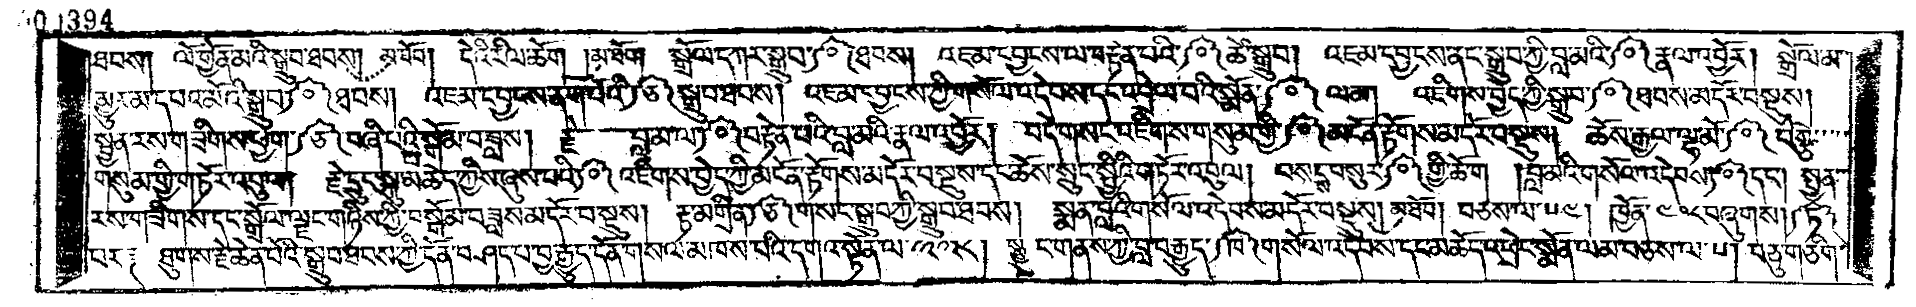ཐབས། ལོ་གྱོན་མའི་སྒྲུབ་ཐབས། མ་ཐོབ།  དེའི་རིལ་ཆོག་།མ་ཐོབ།  སྒྲོལ་དཀར་སྒྲུབ་ཐབས། འཇམ་དབྱངས་ལ་བརྟེན་པའི་ཚེ་སྒྲུབ། འཇམ་དབྱངས་ནང་སྒྲུབ་ཀྱི་བླ་མའི་རྣལ་འབྱོར། སྒྲོལ་མ་
མྱུར་མ་དཔའ་མོའི་སྒྲུབ་ཐབས། འཇམ་དབྱངས་ནག་པོའི ༼ཅ༽ སྒྲུབ་ཐབས། འཇམ་དབྱངས་ཀྱི་གསོལ་འདེབས་དང་འབྲེལ་བའི་སྨོན་ལ། འཇིགས་བྱེད་ཀྱི་སྒྲུབ་ཐབས་མདོར་བསྡུས།
སྤྱན་རས་གཟིགས་ཕྱག ༼ཅ༽ བཞི་པའི་སྒོམ་བཟླས། རྗེ་བླ་མ་ལ་བརྟེན་པའི་བླ་མའི་རྣལ་འབྱོར། བདེ་གསང་འཇིགས་གསུམ་གྱི་མངོན་རྟོགས་མདོར་བསྡུས། ཆོས་རྒྱལ་ལྷ་མོ་བོ་གཙ་
གསུམ་གྱི་གཏོར་འབུལ། རྗེ་དྲུང་སྐུ་མཆོད་ཀྱིས་ཞུས་པའི་འཇིགས་བྱེད་ཀྱི་མངོན་རྟོགས་མདོར་བསྡུས་དང་ཆོས་སྲུང་སྤྱིའི་གཏོར་འབུལ། བསངས་བསུར་གྱི་ཆོ་ག །བླ་མའི་གསོལ་འདེབས་དང་། སྤྱན་
རས་གཟིགས་དང་སྒྲོལ་ལྗང་གཉིས་ཀྱི་བསྒོམ་བཟླས་མདོར་བསྡུས། རྟ་མགྲིན ༼ཅ༽ གསང་སྒྲུབ་ཀྱི་སྒྲུབ་ཐབས། སྨན་བླའི་གསོལ་འདེབས་མདོར་བསྡུས། མ་ཐོབ།  བཅས་ལ ༥༩། ཁྱོན ༤༠༨་བཞུགས། ༼ཏ༽
པར༑ ཐུགས་རྗེ་ཆེན་པོའི་སྒྲུབ་ཐབས་ཀྱི་དོན་བཤད་པ་བྱ་རྒྱུད་དོན་གསལ་མཁས་པའི་དགའ་སྟོན་ལ ༣༣༨། སྨྱུང་གནས་ཀྱི་བླ་བརྒྱུད ༼ཁ༽ གསོལ་འདེབས་དང་མཆོད་འཕྲེང་སྨོན་ལམ་བཅས་ལ ༥། བཅུ་གཅིག་